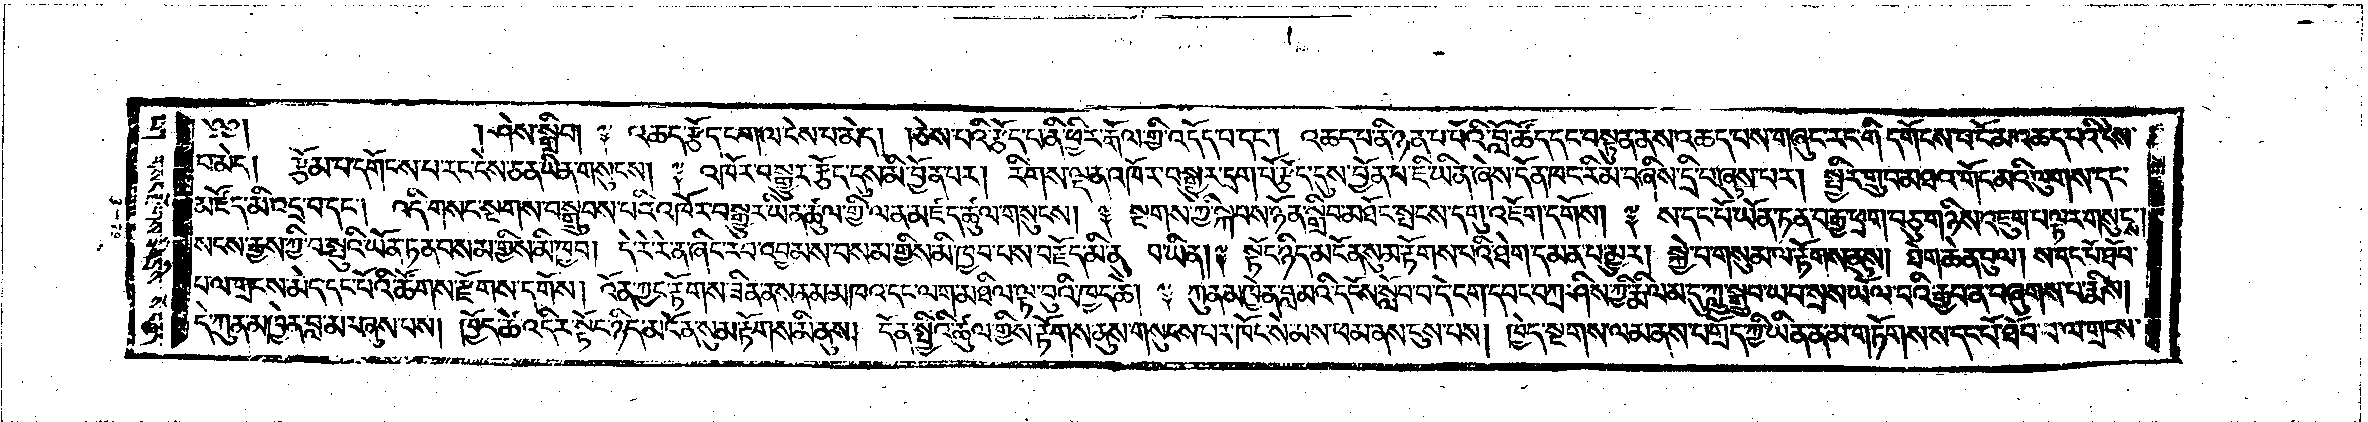༄༅། །ཤེས་སྒྲིབ། ༈ འཆད་རྩོད་ངག་ལ་ངེས་པ་མེད། །ཅེས་པའི་རྩོད་པ་ནི་ཕྱིར་རྒོལ་གྱི་འདོད་པ་དང་། འཆད་པ་ནི་ཉན་པ་པོའི་བློ་ཚོད་དང་བསྟུན་ནས་འཆད་པས་གཞུང་རང་གི་དགོངས་པ་ངོ་མ་འཆད་པའི་ངེས་
པ་མེད། རྩོམ་པ་དགོངས་པ་རང་ངེས་ཅན་ཡིན་གསུངས། ༈ འཁོར་བསྒྱུར་རྩོད་དུས་མི་བྱོན་པར། རིགས་ལྡན་འཁོར་བསྒྱུར་དྲག་པོ་རྩོད་དུས་བྱོན་པ་ཇི་ཡིན་ཞེས་དོན་ཁང་རིམ་བཞིས་དྲི་པ་ཞུས་པར། སྤྱིར་གྲུབ་མཐའ་གོང་མའི་ལུགས་དང་
མཛོད་མི་འདྲ་བ་དང་། འདི་གསང་སྔགས་བསྒྲུབས་པའི་འཁོར་བསྒྱུར་ཡིན་ཚུལ་གྱི་ལན་མཛད་ཚུལ་གསུངས། ༈ སྔགས་ཀྱི་སྐབས་ཉོན་སྒྲིབ་མཐོང་སྤངས་དགུ་འཇོག་དགོས། ༈ ས་དང་པོ་ཡོན་ཏན་བརྒྱ་ཕྲག་བཅུ་གཉིས་འཇུག་པ་ལྟར་གསུངས་
སངས་རྒྱས་ཀྱི་བ་སྤུའི་ཡོན་ཏན་བསམ་གྱིས་མི་ཁྱབ། དེ་རེ་རེ་ན་ཞིང་རབ་འབྱམས་བསམ་གྱིས་མི་ཁྱབ་པས་བརྗོད་མི་ནུ་བ་ཡིན། ༈ སྟོང་ཉིད་མངོན་སུམ་རྟོགས་པའི་ཐེག་དམན་པ་མྱུར། སྐྱེ་བ་གསུམ་ལ་རྟོགས་ནུས། ཐེག་ཆེན་བུལ། ས་དང་པོ་ཐོབ་
པ་ལ་གྲངས་མེད་དང་པོའི་ཚོགས་རྫོགས་དགོས། འོན་ཀྱང་རྟོགས་ཟིན་ནས་ནམ་མཁའ་དང་ལག་མཐིལ་ལྟ་བུའི་ཁྱད་ཆེ། ༈ ཀུན་མཁྱེན་བླ་མའི་དངོས་སློབ་བ་དེ་ངག་དབང་བཀྲ་ཤིས་ཀྱི་རྨི་ལམ་དུ་ཀླུ་སྒྲུབ་ཡབ་སྲས་ཡོལ་བའི་རྒྱབ་ན་བཞུགས་པ་རྨིས།
དེ་ཀུན་མཁྱེན་བླ་མར་ཞུས་པས། ཁྱོད་ཚེ་འདིར་སྟོང་ཉིད་མངོན་སུམ་རྟོགས་མི་ནུས། དོན་སྤྱིའི་ཚུལ་གྱིས་རྟོགས་ནུས་གསུངས་པར་ཁོང་སེམས་ཕམ་ནས་དུས་བས། ཁྱེད་སྔགས་ལམ་ནས་བགྲོད་ཀྱི་ཡིན་ན་མ་གཏོགས་ས་དང་པོ་ཐོབ་པ་ལ་གྲངས་